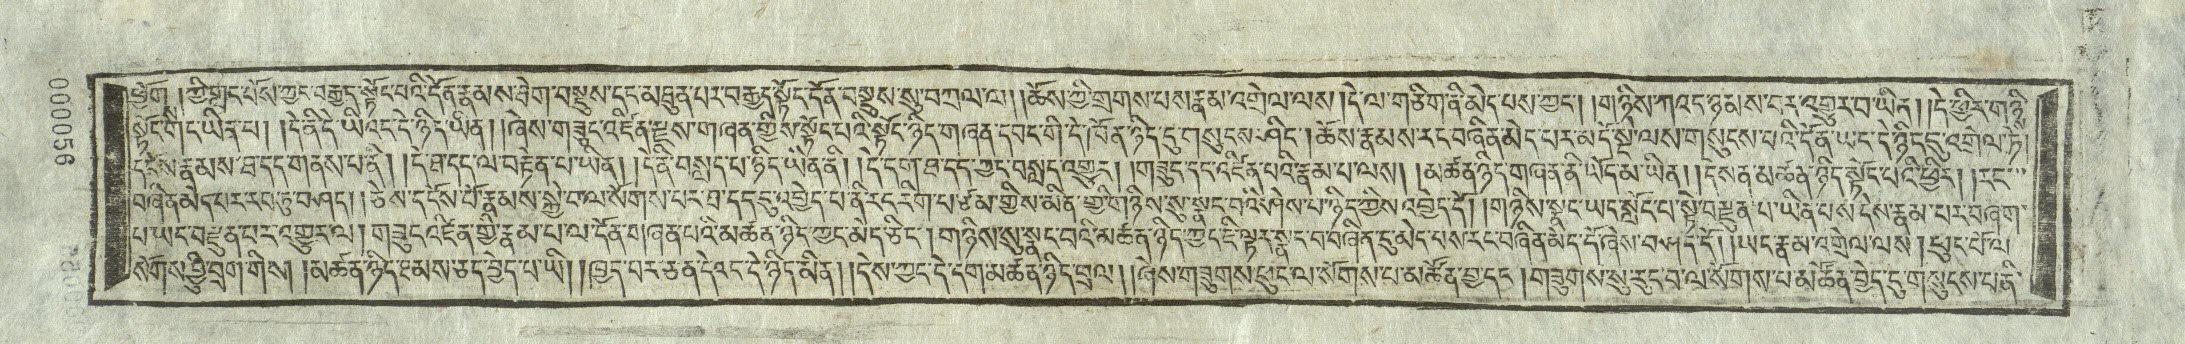ཕྱོགས་ཀྱི་གླང་པོས་ཀྱང་བརྒྱད་སྟོང་པའི་དོན་?་རྣམས་ཐེག་བསྡུས་དང་མཐུན་པར་བརྒྱད་སྟོང་དོན་བསྡུས་སུ་བཀྲལ་ལོ། །ཆོས་ཀྱི་གྲགས་པས་རྣམ་འགྲེལ་ལས། དེ་ལ་གཅིག་ནི་མེད་པས་ཀྱང་། །གཉིས་ཀའང་ཉམས་པར་འགྱུར་བ་ཡིན། །དེ་ཕྱིར་གཉིས་
སྟོང་གང་ཡིན་པ། །དེ་ནི་དེ་ཡིའང་དེ་ཉིད་ཡིན། །ཞེས་གཟུང་འཛིན་རྫས་གཞན་གྱིས་སྟོང་པའི་སྟོང་ཉིད་གཞན་དབང་གི་དེ་ཁོ་ན་ཉིད་དུ་གསུངས་ཤིང་། ཆོས་རྣམས་རང་བཞིན་མེད་པར་མདོ་སྡེ་ལས་གསུངས་པའི་དོན་ཡང་དེ་ཉིད་དུ་འགྲེལ་ཏེ།
དངོས་རྣམས་ཐ་དད་གནས་པ་ནི། །དེ་ཐ་དད་ལ་བརྟེན་པ་ཡིན། །དེ་ནི་བསླད་པ་ཉིད་ཡིན་ན། །དེ་དག་ཐ་དད་ཀྱང་བསླད་འགྱུར། །གཟུང་དང་འཛིན་པའི་རྣམ་པ་ལས། །མཚན་ཉིད་གཞན་ནི་ཡོད་མ་ཡིན། །དེས་ན་མཚན་ཉིད་སྟོང་པའི་ཕྱིར། །རང་
བཞིན་མེད་པར་རབ་ཏུ་བཤད། །ཅེས་དངོས་པོ་རྣམས་སྐྱེ་བ་ལ་སོགས་པར་ཐ་དད་དུ་འབྱེད་པ་ནི་རང་རིག་པ་ཙམ་གྱིས་མིན་གྱི་གཉིས་སུ་སྣང་བའི་ཤེས་པ་ཉིད་ཀྱིས་འབྱེད་དོ། །གཉིས་སྣང་ཡང་སླད་པ་སྟེ་བརྫུན་པ་ཡིན་པས་དེས་རྣམ་པར་བཞག་
པ་ཡང་བརྫུན་པར་འགྱུར་ལ། གཟུང་འཛིན་གྱི་རྣམ་པ་ལ་དོན་གཞན་པའི་མཚན་ཉིད་ཀྱང་མེད་ཅིང་། གཉིས་སུ་སྣང་བའི་མཚན་ཉིད་ཀྱང་ཇི་ལྟར་སྣང་བ་བཞིན་དུ་མེད་པས་རང་བཞིན་མེད་དོ་ཞེས་བཤད་དོ། །ཡང་རྣམ་འགྲེལ་ལས། ཕུང་པོ་ལ་
སོགས་བྱེ་བྲག་གིས། །མཚན་ཉིད་ཐམས་ཅད་བྱེད་པ་ཡི། །ཁྱད་པར་ཅན་དེའང་དེ་ཉིད་མིན། །དེས་ཀྱང་དེ་དག་མཚན་ཉིད་བྲལ། །ཞེས་གཟུགས་ཕུང་ལ་སོགས་པ་མཚོན་བྱ་དང་། གཟུགས་སུ་རུང་བ་ལ་སོགས་པ་མཚོན་བྱེད་དུ་གསུངས་པ་ནི་